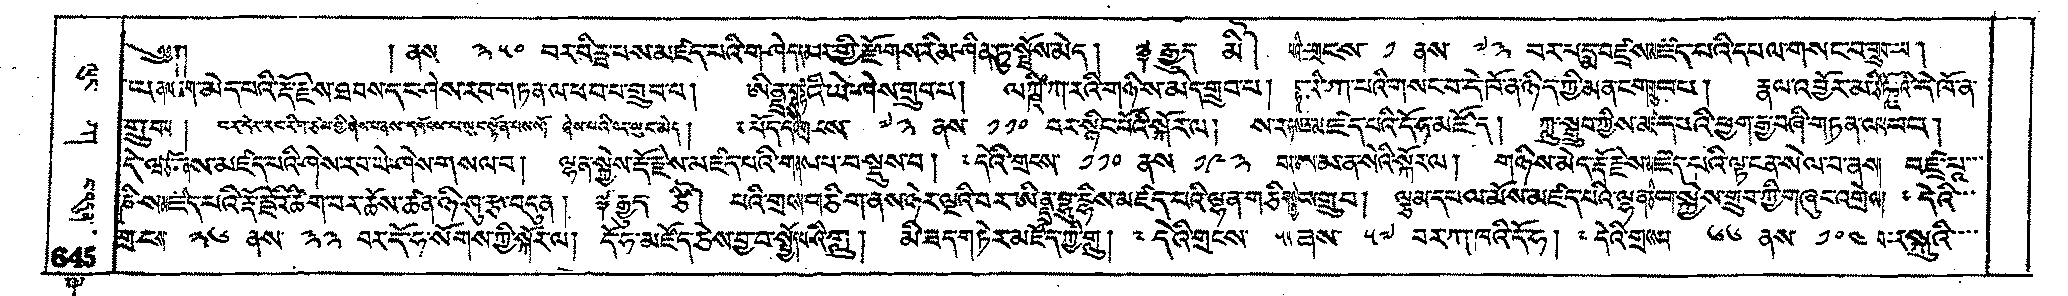༄༅། །ནས ༣༥༠་བར་བིརྦ་པས་མཛད་པའི་གཤེད་དམར་གྱི་རྫོགས་རིམ་ཤིན་ཏུ་སྤྲོས་མེད། འ་རྒྱུད་མི་པའི་གྲངས ༡་ནས ༧༣་བར་པདམ་བརྫྲས་མཛད་པའི་དཔལ་གསང་བ་གྲུབ་པ།
ཡན་ལག་མེད་པའི་རྡོ་རྗེས་ཐབས་དང་ཤེས་རབ་གཏན་ལ་ཕབ་པ་གྲུབ་པ། ཨིནྡྲ་བྷུ་དྷཱིའི་ཡེ་ཤེས་གྲུབ་པ། ལྐྵི་ཀ་རའི་གཉིས་མེད་གྲུབ་པ། དྷའ་རི་ཀ་པའི་གསང་བ་དེ་ཁོ་ན་ཉིད་ཀྱི་མན་ངག་གྲུབ་པ། རྣལ་འབྱོར་མ་རྩི་ཏOའི་དེ་ཁོ་ན་
གྲུབ་པ། བར་དེར་རང་རིག་ཙམ་གྱི་ཞེས་པ་ནས་དགོངས་པ་ལུང་སྟོན་པས་སོ། ཞེས་པའི་བར་ལུང་མེད། ༧པོད་དའི་གྲངས ༧༣་ནས ༡༡༠་བར་སྙིང་པོའི་སྐོར་ལ། ས་ར་ཧས་མཛད་པའི་དོ་ཧ་མཛོད། ཀླུ་སྒྲུབ་ཀྱིས་མཛད་པའི་ཕྱག་རྒྱ་བཞི་གཏན་ལ་ཕབ་པ།
དེ་ལྦ་ཙ་ནས་མཛད་པའི་ཤེས་རབ་ཡེ་ཤེས་གསལ་བ། ལྷན་སྐྱེས་རྡོ་རྗེས་མཛད་པའི་གནས་པ་བསྡུས་པ། ༧དེའི་གྲངས ༡༡༠་ནས ༡༩༣་བར་ཨ་མ་ན་སེའི་སྐོར་ལ། གཉིས་མེད་རྡོ་རྗེས་མཛད་པའི་ལྟ་ངན་སེལ་བ་ནས། བཛྲ་པཱ་
ཎིས་མཛད་པའི་རྡོ་རྗེའི་ཚིག་བར་ཆོས་ཚན་ཉི་ཤུ་རྩ་བདུན། འ་རྒྱུད་རྩི་པའི་གྲངས་གཅིག་ནས་ཉེར་ལྔའི་བར་ཨིནྡྲ་བྷུ་དྷིས་མཛད་པའི་ལྷན་གཅིག་སྐྱེས་གྲུབ། ལྕམ་དཔལ་མོས་མཛད་པའི་ལྷན་ཅིག་སྐྱེས་གྲུབ་ཀྱི་གཞུང་འགྲེལ། ༧དེའི་
གྲངས ༢༦་ནས ༣༣་བར་དོ་ཧ་སོགས་ཀྱི་སྐོར་ལ། དོ་ཧ་མཛོད་ཅེས་བྱ་བ་སྤྱོད་པའི་གླུ། མི་ཟད་གཏེར་མཛོད་ཀྱི་གླུ། འ་དེའི་གྲངས། ༥༥་ནས ༥༧་བར་ཀ་ཁའི་དོ་ཧ། ༧དེའི་གྲངས ༦༦་ནས ༡༠༤་བར་སྐུའི་